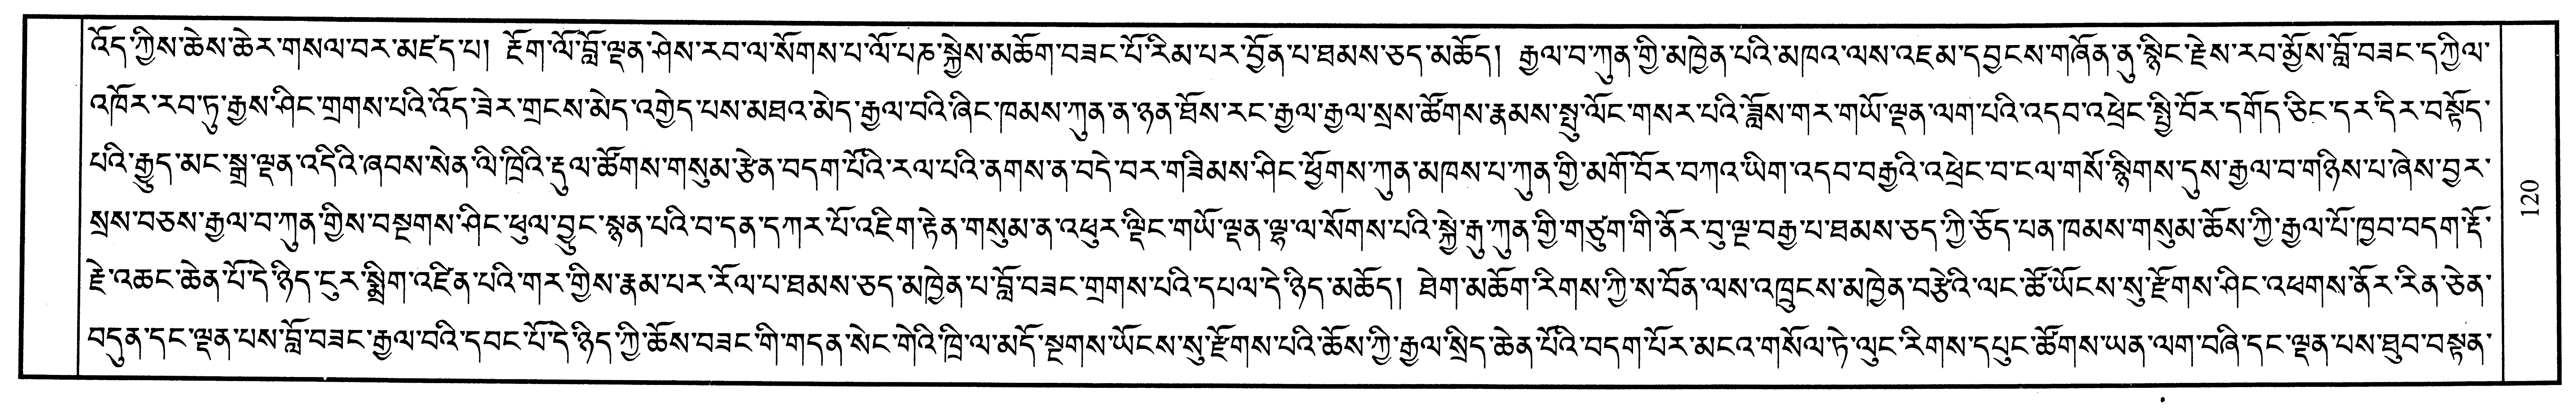འོད་ཀྱིས་ཆེས་ཆེར་གསལ་བར་མཛད་པ། རྔོག་ལོ་བློ་ལྡན་ཤེས་རབ་ལ་སོགས་པ་ལོ་པཎ་སྐྱེས་མཆོག་བཟང་པོ་རིམ་པར་བྱོན་པ་ཐམས་ཅད་མཆོད། རྒྱལ་བ་ཀུན་གྱི་མཁྱེན་པའི་མཁའ་ལས་འཇམ་དབྱངས་གཞོན་ནུ་སྙིང་རྗེས་རབ་མྱོས་བློ་བཟང་དཀྱིལ་
འཁོར་རབ་ཏུ་རྒྱས་ཤིང་གྲགས་པའི་འོད་ཟེར་གྲངས་མེད་འགྱེད་པས་མཐའ་མེད་རྒྱལ་བའི་ཞིང་ཁམས་ཀུན་ན་ཉན་ཐོས་རང་རྒྱལ་རྒྱལ་སྲས་ཚོགས་རྣམས་སྤུ་ལོང་གསར་པའི་ཟློས་གར་གཡོ་ལྡན་ལག་པའི་འདབ་འཕྲེང་སྤྱི་བོར་དགོད་ཅིང་དར་དིར་བསྟོད་
པའི་རྒྱུད་མང་སྒྲ་ལྡན་འདིའི་ཞབས་སེན་ལི་ཁྲིའི་རྡུལ་ཚོགས་གསུམ་རྩེན་བདག་པོའི་རལ་པའི་ནགས་ན་བདེ་བར་གཟིམས་ཤིང་ཕྱོགས་ཀུན་མཁས་པ་ཀུན་གྱི་མགོ་བོར་བཀའ་ཡིག་འདབ་བརྒྱའི་འཕྲེང་བ་ངལ་གསོ་སྙིགས་དུས་རྒྱལ་བ་གཉིས་པ་ཞེས་བྱར་
སྲས་བཅས་རྒྱལ་བ་ཀུན་གྱིས་བསྔགས་ཤིང་ཕུལ་བྱུང་སྙན་པའི་བ་དན་དཀར་པོ་འཇིག་རྟེན་གསུམ་ན་འཕུར་ལྡིང་གཡོ་ལྡན་ལྷ་ལ་སོགས་པའི་སྐྱེ་རྒུ་ཀུན་གྱི་གཙུག་གི་ནོར་བུ་ལྔ་བརྒྱ་པ་ཐམས་ཅད་ཀྱི་ཅོད་པན་ཁམས་གསུམ་ཆོས་ཀྱི་རྒྱལ་པོ་ཁྱབ་བདག་རྡོ་
རྗེ་འཆང་ཆེན་པོ་དེ་ཉིད་ངུར་སྨྲིག་འཛིན་པའི་གར་གྱིས་རྣམ་པར་རོལ་པ་ཐམས་ཅད་མཁྱེན་པ་བློ་བཟང་གྲགས་པའི་དཔལ་དེ་ཉིད་མཆོད། ཐེག་མཆོག་རིགས་ཀྱི་ས་བོན་ལས་འཁྲུངས་མཁྱེན་བརྩེའི་ལང་ཚོ་ཡོངས་སུ་རྫོགས་ཤིང་འཕགས་ནོར་རིན་ཅེན་
བདུན་དང་ལྡན་པས་བློ་བཟང་རྒྱལ་བའི་དབང་པོ་དེ་ཉིད་ཀྱི་ཆོས་བཟང་གི་གདན་སེང་གེའི་ཁྲི་ལ་མདོ་སྔགས་ཡོངས་སུ་རྫོགས་པའི་ཆོས་ཀྱི་རྒྱལ་སྲིད་ཆེན་པོའི་བདག་པོར་མངའ་གསོལ་ཏེ་ལུང་རིགས་དཔུང་ཚོགས་ཡན་ལག་བཞི་དང་ལྡན་པས་ཐུབ་བསྟན་